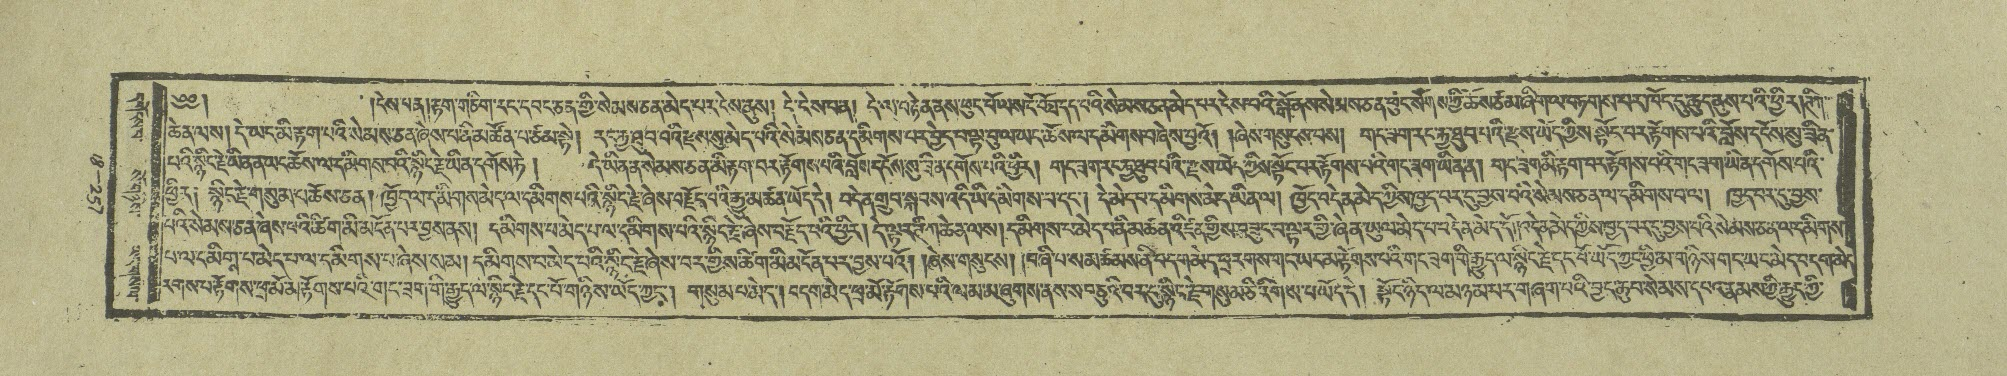༄༅། །ངེས་པ་ན། རྟག་གཅིག་རང་དབང་ཅན་གྱི་སེམས་ཅན་མེད་པར་ངེས་ནུས། དེ་ངེས་པ་ན། དེ་ལ་བརྟེན་ནས་ཕུང་པོ་ལས་ངོ་བོ་ཐ་དད་པའི་སེམས་ཅན་མེད་པར་ངེས་པའི་སྒོ་ནས་སེམས་ཅན་ཕུང་སོགས་ཀྱི་ཆོས་ཙམ་ཞིག་ལ་བཏགས་པར་ཁོང་དུ་ཆུད་ནུས་པའི་ཕྱིར། ཊིཀ་
ཆེན་ལས། དེ་ཡང་མི་རྟག་པའི་སེམས་ཅན་ཞེས་པ་ནི་མཚོན་པ་ཙམ་སྟེ། རང་རྐྱ་ཐུབ་པའི་རྫས་སུ་མེད་པའི་སེམས་ཅན་དམིགས་པར་བྱེད་པ་ལྟ་བུ་ལ་ཡང་ཆོས་ལ་དམིགས་པ་ཞེས་བྱའོ། །ཞེས་གསུངས་པས། གང་ཟག་རང་རྐྱ་ཐུབ་པའི་རྫས་ཡོད་ཀྱིས་སྟོང་པར་རྟོགས་པའི་བློས་དངོས་སུ་ཟིན་
པའི་སྙིང་རྗེ་ཡིན་ན་ཡང་ཆོས་ལ་དམིགས་པའི་སྙིང་རྗེ་ཡིན་དགོས་ཏེ། དེ་ཡིན་ན་སེམས་ཅན་མི་རྟག་པར་རྟོགས་པའི་བློས་དངོས་སུ་ཟིན་དགོས་པའི་ཕྱིར། གང་ཟག་རང་རྐྱ་ཐུབ་པའི་རྫས་ཡོད་ཀྱིས་སྟོང་པར་རྟོགས་པའི་གང་ཟག་ཡིན་ན། གང་ཟག་མི་རྟག་པར་རྟོགས་པའི་གང་ཟག་ཡིན་དགོས་པའི་
ཕྱིར། སྙིང་རྗེ་གསུམ་པ་ཆོས་ཅན། ཁྱོད་ལ་དམིགས་མེད་ལ་དམིགས་པའི་སྙིང་རྗེ་ཞེས་བརྗོད་པའི་རྒྱུ་མཚན་ཡོད་དེ། བདེན་གྲུབ་སྐབས་འདི་ཡི་དམིགས་པ་དང་། དེ་མེད་པ་དམིགས་མེད་ཡིན་ལ། ཁྱོད་བདེན་མེད་ཀྱིས་ཁྱད་པར་དུ་བྱས་པའི་སེམས་ཅན་ལ་དམིགས་པ་ལ། ཁྱད་པར་དུ་བྱས་
པའི་སེམས་ཅན་ཞེས་པའི་ཚིག་མི་མངོན་པར་བྱས་ནས། དམིགས་པ་མེད་པ་ལ་དམིགས་པའི་སྙིང་རྗེ་ཞེས་བརྗོད་པའི་ཕྱིར། དེ་ལྟར་ཊིཀ་ཆེན་ལས། དམིགས་པ་མེད་པ་ནི་མཚན་འཛིན་གྱིས་བཟུང་བ་ལྟར་གྱི་ཞེན་ཡུལ་མེད་པ་བདེན་མེད་དོ། །བདེན་མེད་ཀྱིས་ཁྱད་པར་དུ་བྱས་པའི་སེམས་ཅན་ལ་དམིགས་
པ་ལ་དམིགས་པ་མེད་པ་ལ་དམིགས་པ་ཞེས་སམ། དམིགས་པ་མེད་པའི་སྙིང་རྗེ་ཞེས་བར་གྱིས་ཚིག་མི་མངོན་པར་བྱས་པའོ། །ཞེས་གསུངས། བཞི་པ་ས་མཚམས་ནི་བདག་མེད་ཕྲ་རགས་གང་ཡང་མ་རྟོགས་པའི་གང་ཟག་གི་རྒྱུད་ལ་སྙིང་རྗེ་དང་པོ་ཡོད་ཀྱང་ཕྱི་མ་གཉིས་གང་ཡང་མེད་བདག་མེད་
རགས་པ་རྟོགས་ཕྲ་མོ་མ་རྟོགས་པའི་གང་ཟག་གི་རྒྱུད་ལ་སྙིང་རྗེ་དང་པོ་གཉིས་ཡོད་ཀྱང་། གསུམ་པ་མེད། བདག་མེད་ཕྲ་མོ་རྟོགས་པའི་ལམ་མ་ཞུགས་ནས་ས་བཅུའི་བར་དུ་སྙིང་རྗེ་གསུམ་ཅི་རིགས་པ་ཡོད་དེ། སྟོང་ཉིད་ལ་མཉམ་པར་གཞག་པའི་བྱང་ཆུབ་སེམས་དཔའ་རྣམས་ཀྱི་རྒྱུད་ཀྱི་